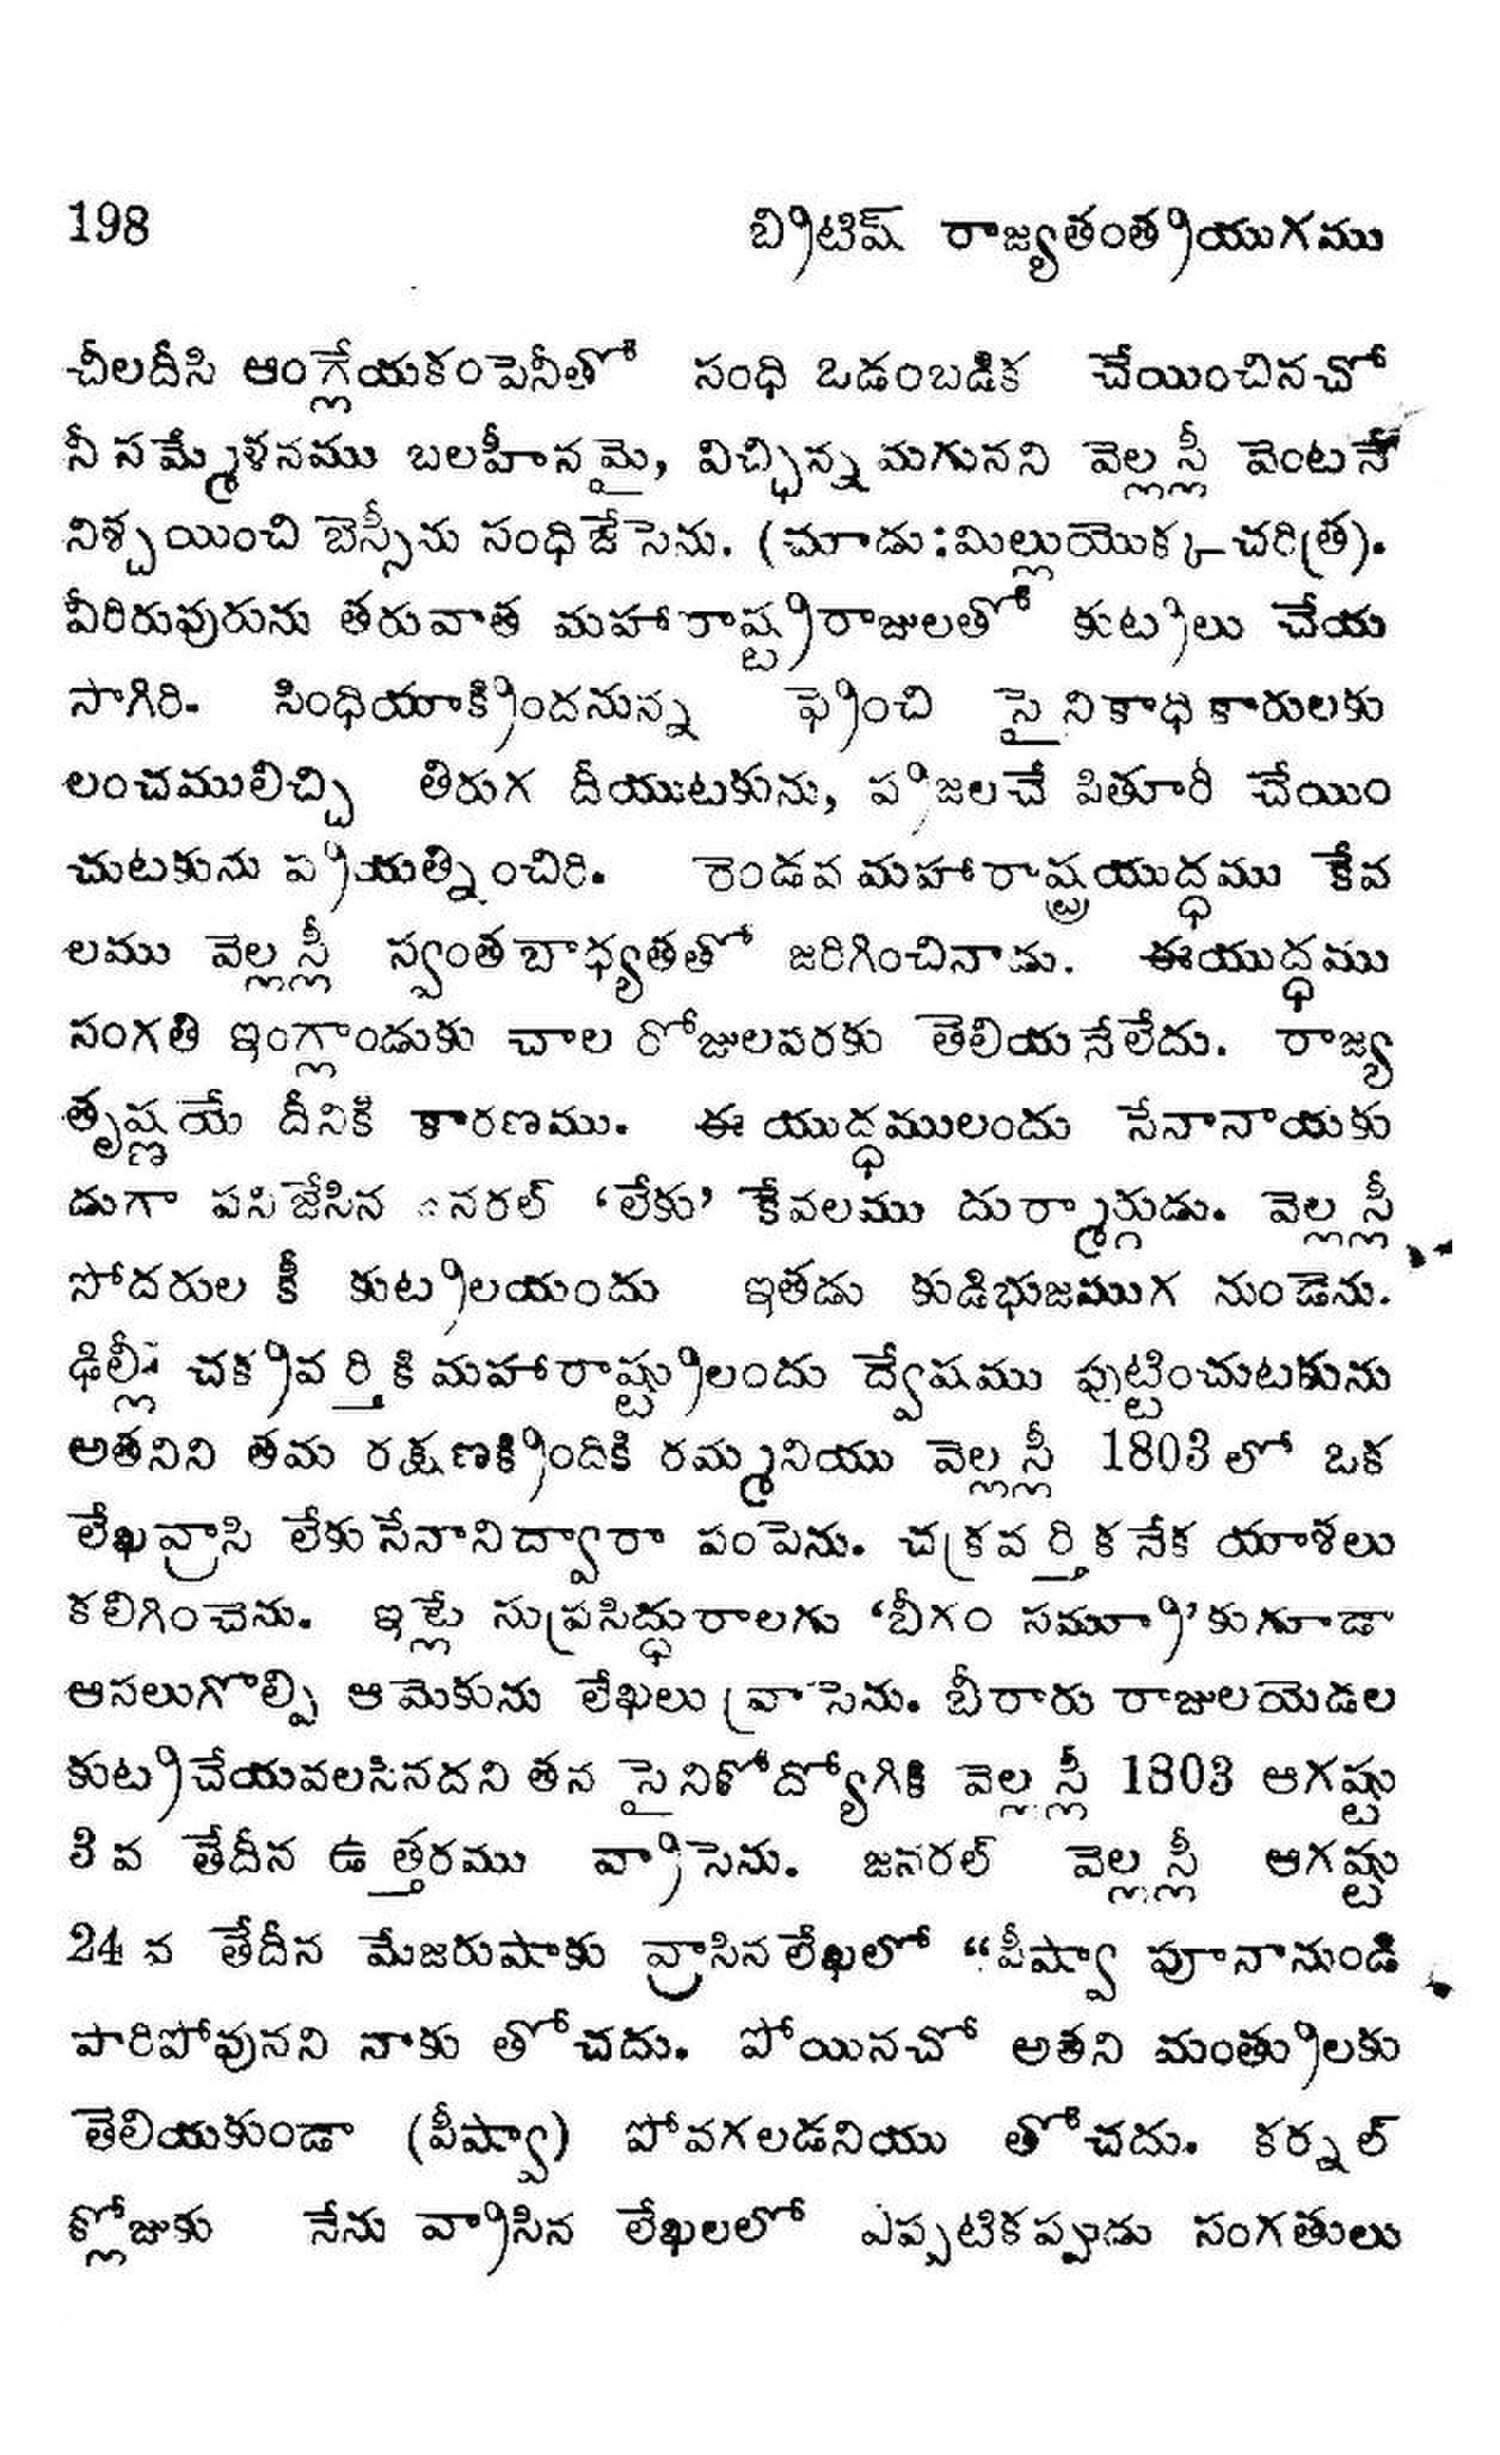చీలదీసి ఆంగ్లేయకంపెనీతో సంధి ఒడంబడిక చేయించినచో నీ సమ్మేళనము బలహీనమై, విచ్చిన్న మగునని వెల్లస్లీ వెంటనే నిశ్చయించి బెస్సీను సంధిజేసెను. (చూడు:మిల్లుయొక్క చరిత్ర). వీరిరువురును తరువాత మహారాష్ట్రరాజులతో కుట్రలు చేయసాగిరి. సింధియాక్రిందనున్న ఫ్రెంచి సైనికాధికారులకు లంచములిచ్చి తిరుగ దీయుటకును, ప్రజలచే పితూరీ చేయించుటకును ప్రయత్నించిరి. రెండవ మహారాష్ట్రయుద్ధము కేవలము వెల్లస్లీ స్వంతబాధ్యతతో జరిగించినాడు. ఈయుద్ధము సంగతి ఇంగ్లాండుకు చాల రోజులవరకు తెలియనేలేదు. రాజ్య తృష్ణయే దీనికి కారణము. ఈ యుద్ధములందు సేనానాయకుడుగా పనిజేసిన జనరల్ 'లేకు' కేవలము దుర్మార్గుడు. వెల్లస్లీ సోదరుల కీ కుట్రలయందు ఇతడు కుడిభుజముగ నుండెను. ఢిల్లీ చక్రవర్తికి మహారాష్ట్రులందు ద్వేషము పుట్టించుటకును అతనిని తమ రక్షణక్రిందికి రమ్మనియు వెల్లస్లీ 1803 లో ఒక లేఖవ్రాసి లేకుసేనానిద్వారా పంపెను. చక్రవర్తికనేక యాశలు కలిగించెను. ఇట్లే సుప్రసిద్ధురాలగు “బీగం సమ్రూ' కుగూడా ఆసలుగొల్పి ఆమెకును లేఖలువ్రాసిను. బీరారు రాజులయెడల కుట్రచేయవలసినదని తన సైనికోద్యోగికి వెల్లస్లీ 1803 ఆగష్టు 3వ తేదీన ఉత్తరము వ్రాసెను. జనరల్ వెల్లస్లీ ఆగష్టు 24 వ తేదీన మేజరుషాకు వ్రాసినలేఖలో “ పీష్వా పూనానుండి , పారిపోవునని నాకు తోచదు. పోయినచో అతని మంత్రులకు తెలియకుండా (పీష్వా) పోవగలడనియు తోచదు. కర్నల్ క్లోజుకు నేను వ్రాసిన లేఖలలో ఎప్పటికప్పుడు సంగతులు